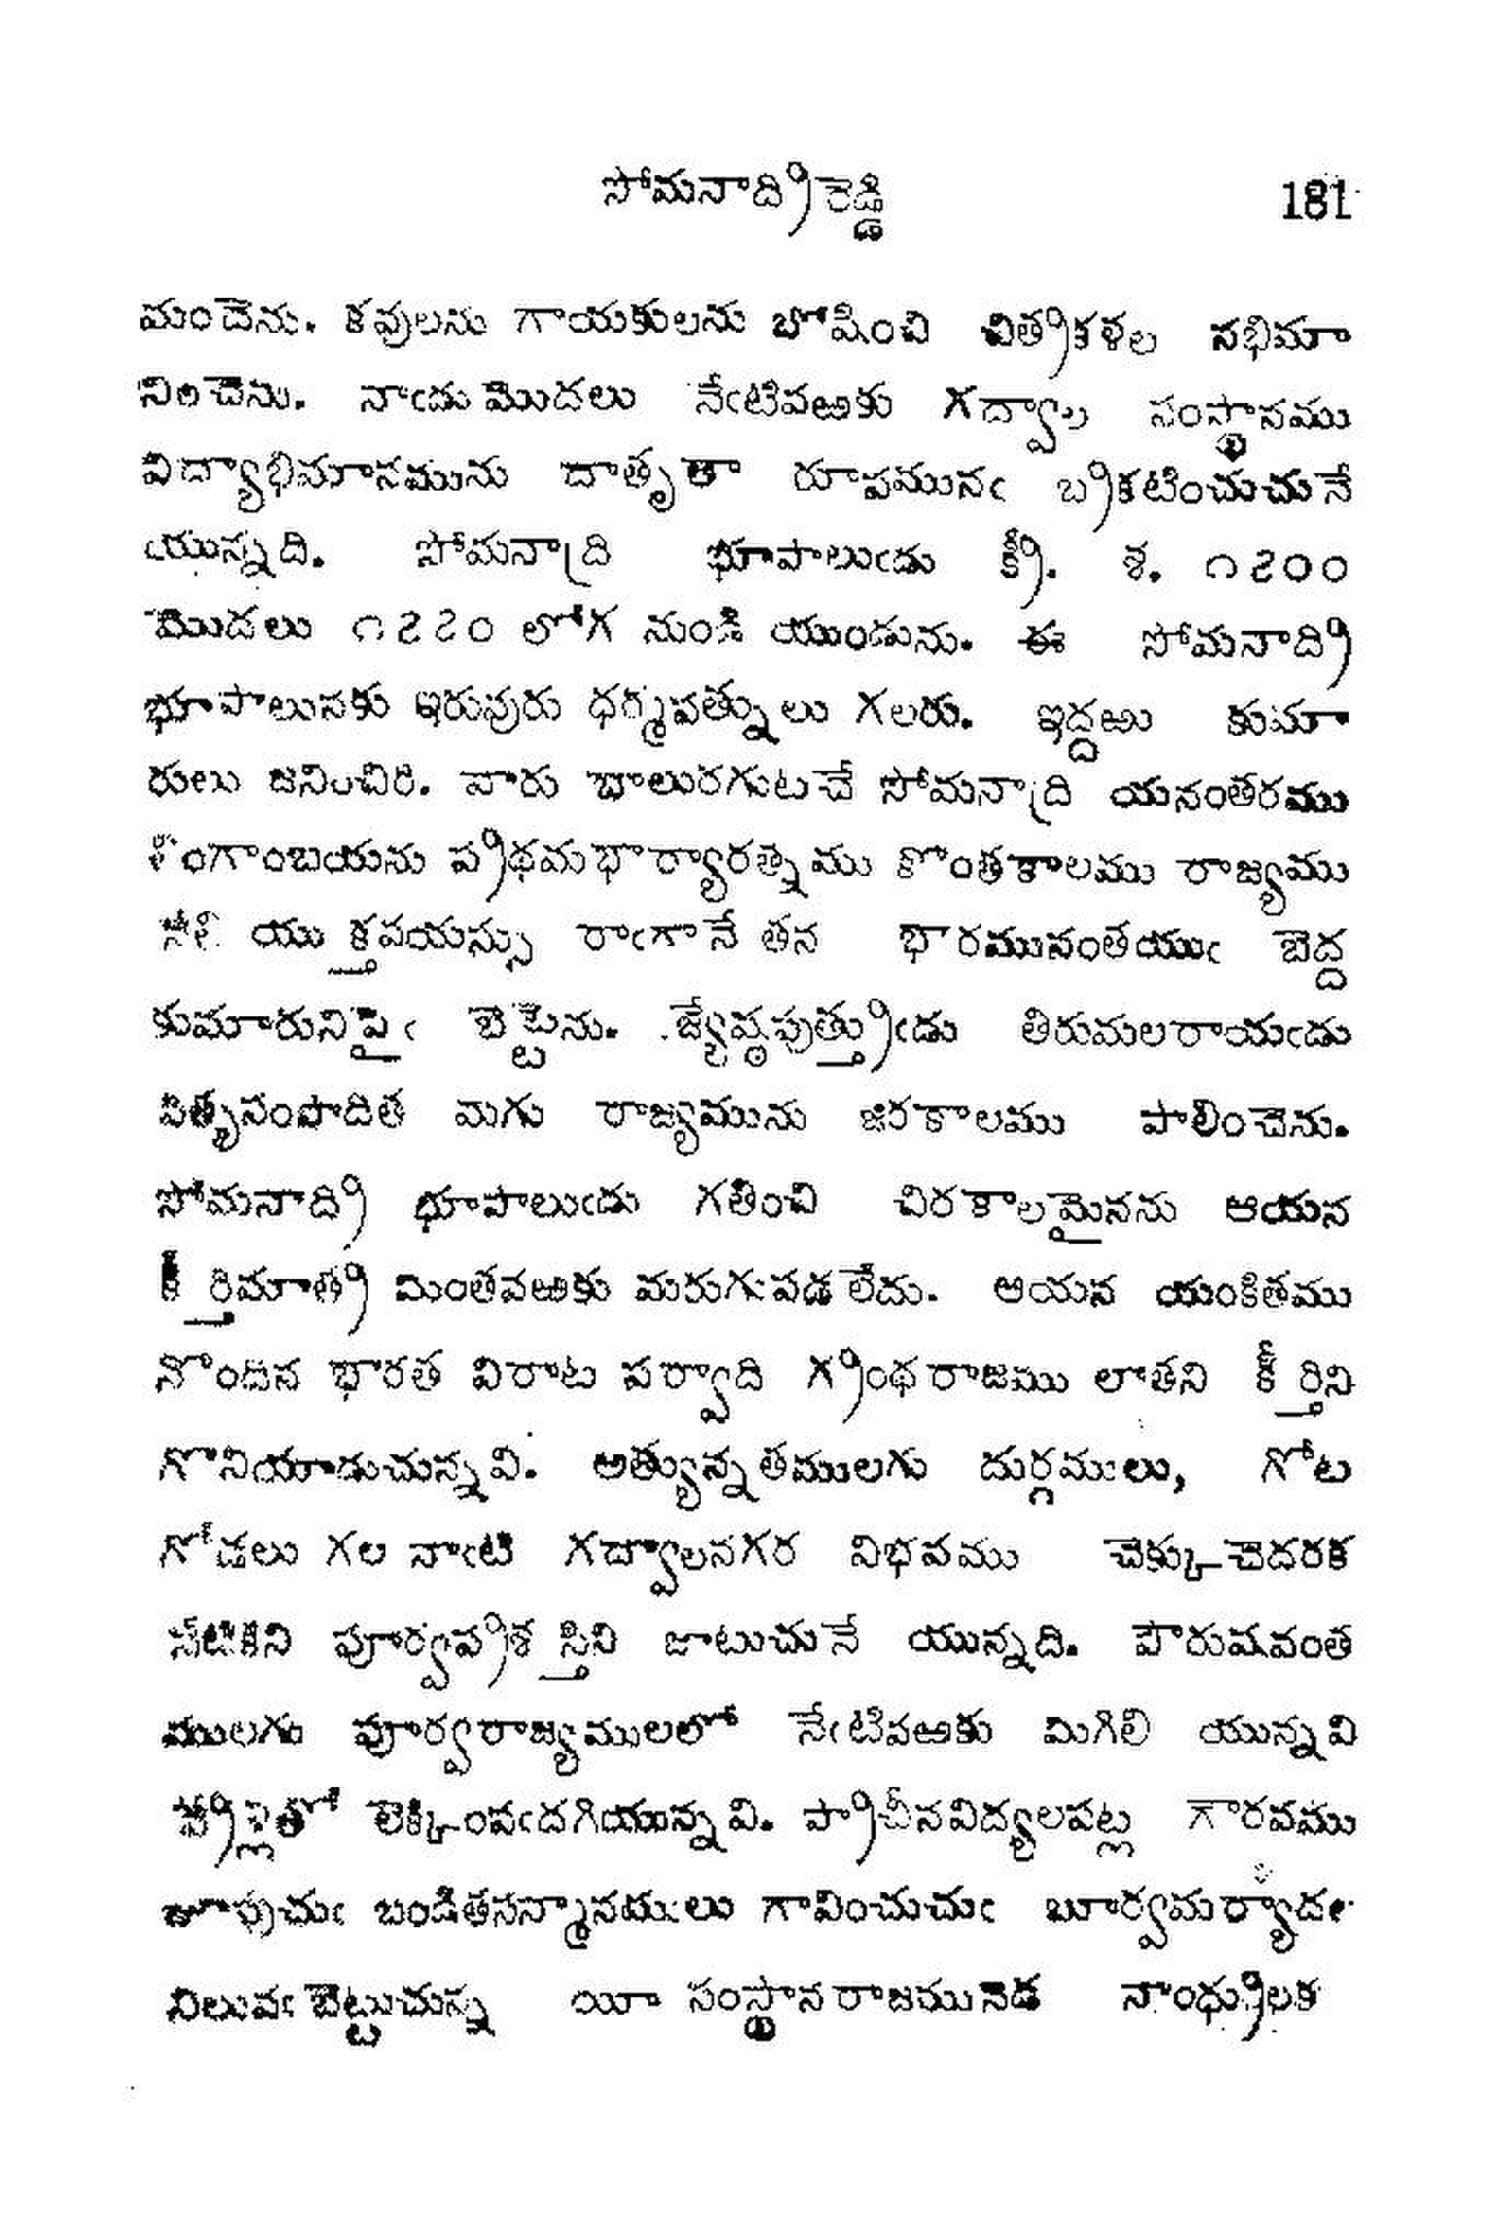మందెను. కవులను గాయకులను బోషించి చిత్రకళల నభిమానించెను. నాడుమొదలు నేటివఱకు గద్వాల సంస్థానము విద్యాభిమానమును దాతృతా రూపమున బ్రకటించుచునే యున్నది. సోమనాద్రి భూపాలుడు క్రీ.శ. 1700 మొదలు 1770 లోగ నుండి యుండును. ఈ సోమనాద్రి భూపాలునకు ఇరువురు ధర్మపత్నులు గలరు. ఇద్దఱు కుమారులు జనించిరి. వారు బాలురగుటచే సోమనాద్రి యనంతరము లింగాంబయను ప్రథమభార్యారత్నము కొంతకాలము రాజ్యము నేలి యుక్తవయస్సు రాగానే తన భారమునంతయు బెద్దకుమారునిపై బెట్టెను. జ్యేష్ఠపుత్రుడు తిరుమలరాయడు పితృసంపాదిత మగు రాజ్యమును జిరకాలము పాలించెను. సోమనాద్రి భూపాలుడు గతించి చిరకాలమైనను ఆయన కీర్తిమాత్ర మింతవఱకు మరుగుపడలేదు. ఆయన యంకితము నొందిన భారత విరాట పర్వాది గ్రంథరాజము లాతని కీర్తిని గొనియాడుచున్నవి. అత్యున్నతములగు దుర్గములు, గోట గోడలు గల నాటి గద్వాలనగర విభవము చెక్కుచెదరక నేటికిని పూర్వప్రశస్తిని జాటుచునే యున్నది. పౌరుషవంతములగు పూర్వరాజ్యములలో నేటివఱకు మిగిలి యున్నవి వ్రేళ్లతో లెక్కింపదగియున్నవి. ప్రాచీనవిద్యపట్ల గౌరవము జూపుచు బండితసన్మానములు గావించుచు బూర్వమర్యాదలు నిలువబెట్టుచున్న యీ సంస్థానరాజమునెడ నాంధ్రులకు,